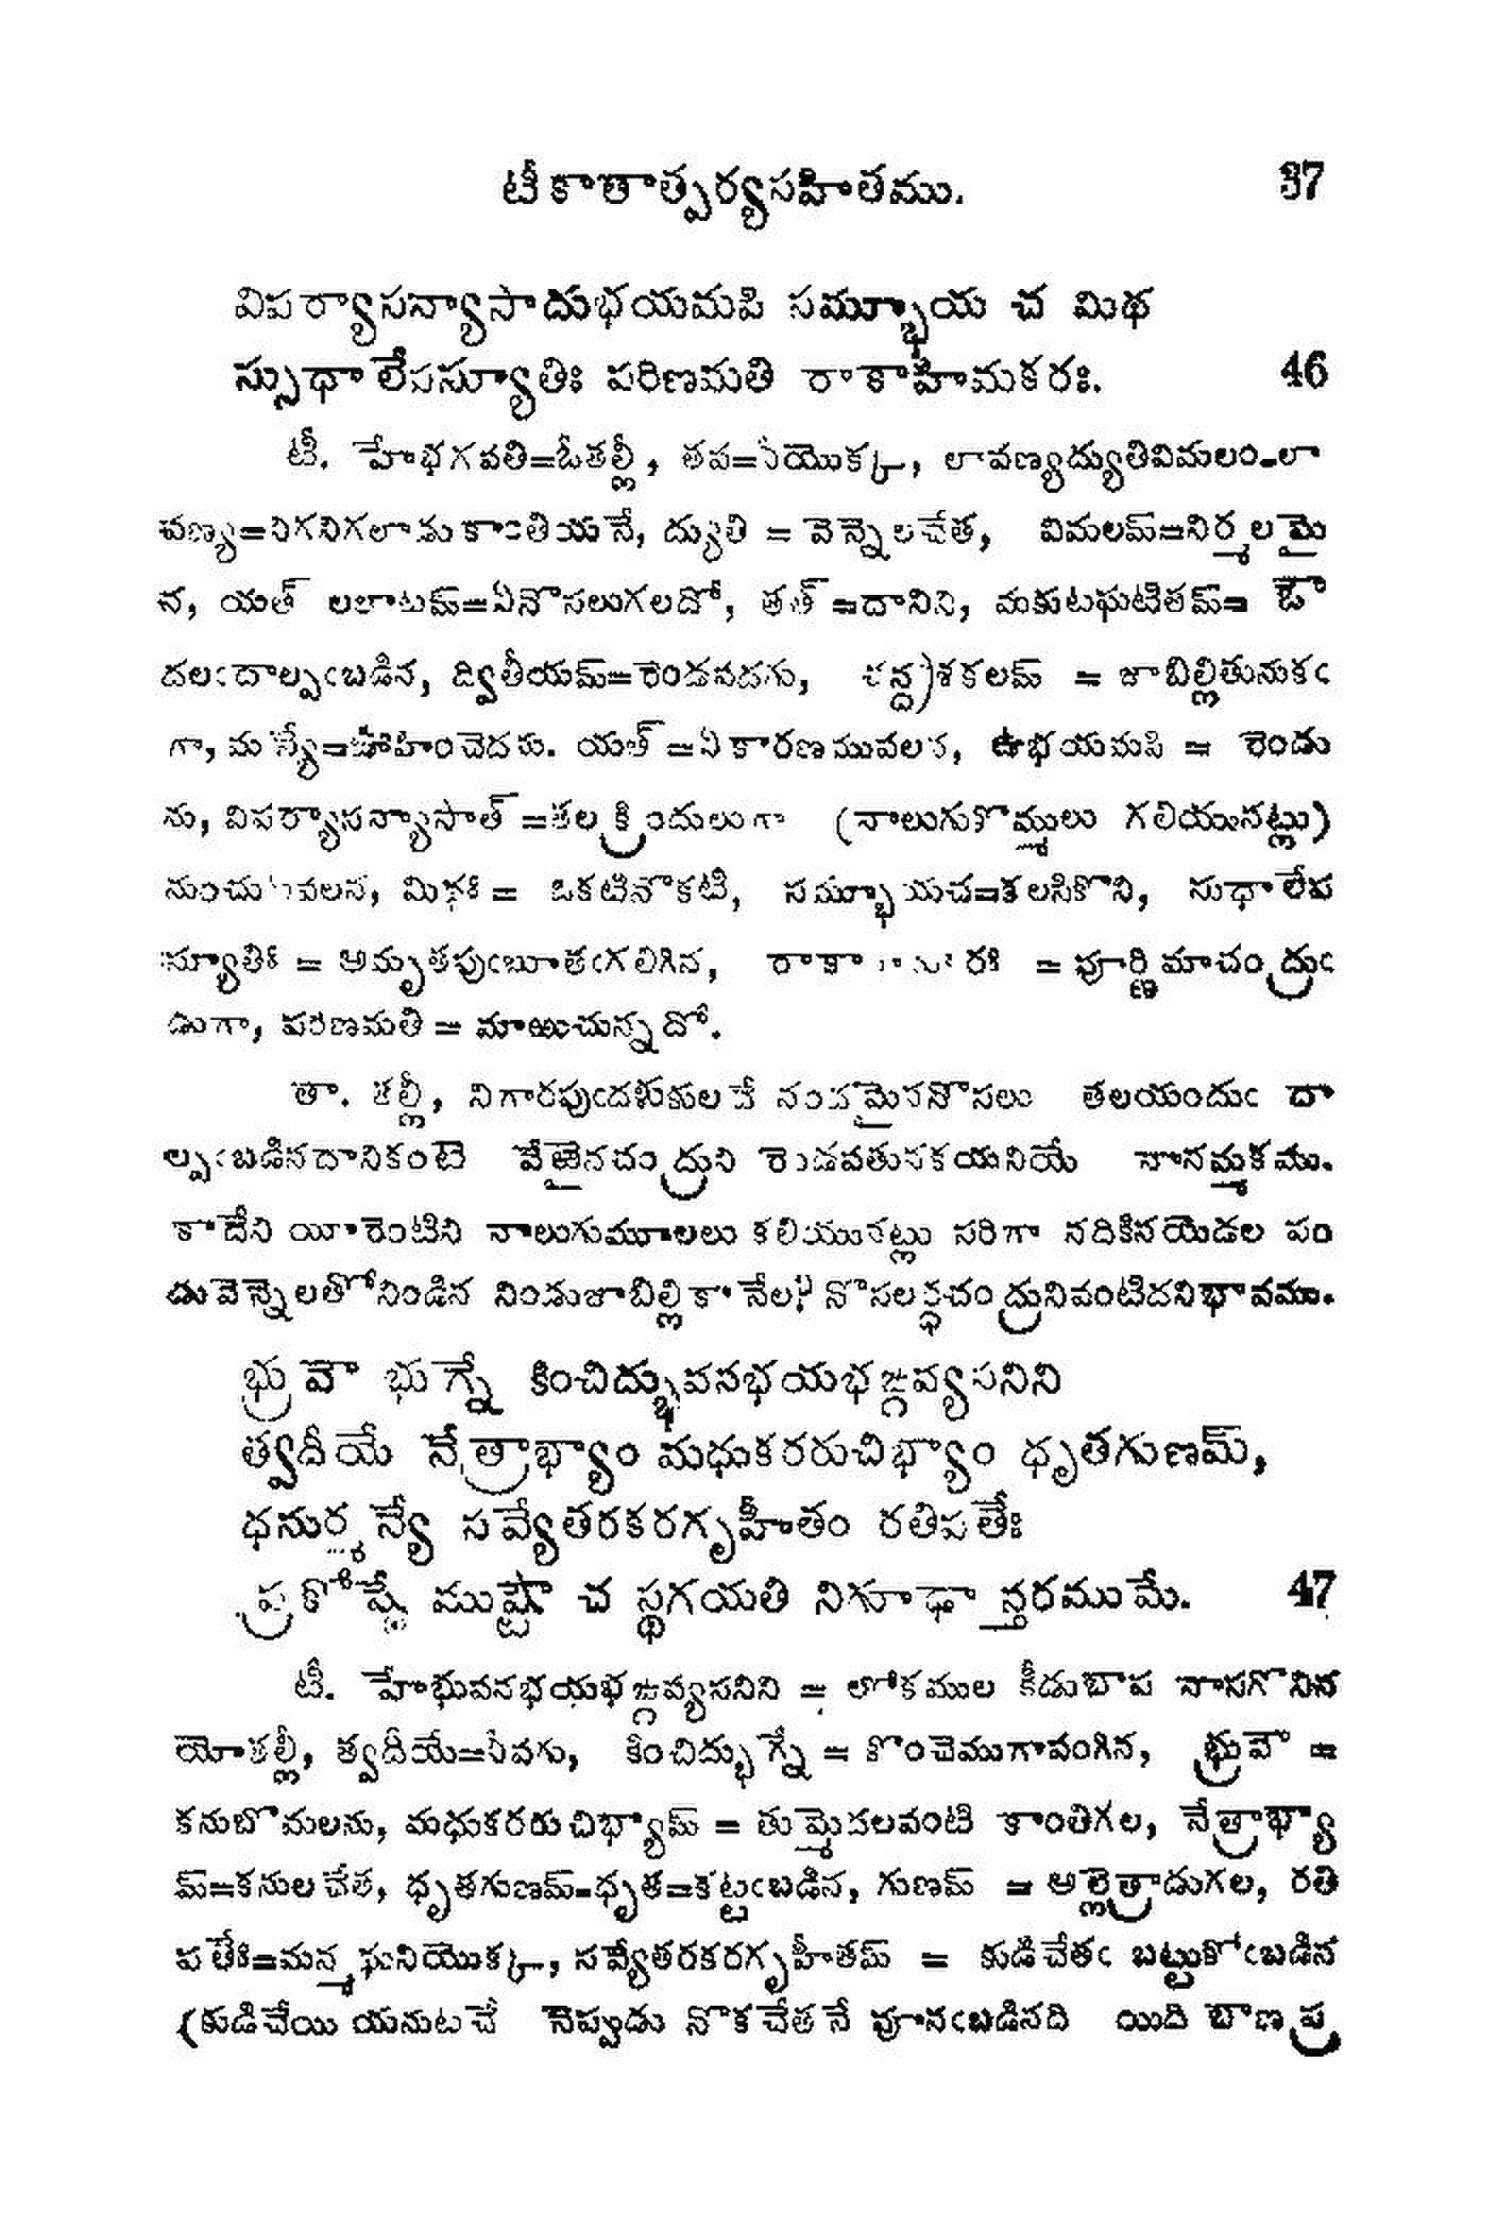విపర్యాసన్యాసాదుభయమపి సమ్భూయ చ మిథ
స్సుధాలేపస్యూతిః పరిణమతి రాకాహిమకరః. 46
టీ. హేభగవతి = ఓతల్లీ, తవ = నీయొక్క, లావణ్యద్యుతివిమలం-లావణ్య = నిగనిగలాడుకాంతియనే, ద్యుతి = వెన్నెలచేత, విమలమ్ = నిర్మలమైన, యత్ లలాటమ్ = ఏనొసలుగలదో, తత్ = దానిని, మకుటఘటితమ్ = ఔదలఁదాల్పఁబడిన, ద్వితీయమ్ = రెండవదగు, చన్ద్రశకలమ్ = జాబిల్లితునుకఁగా, మన్యే = ఊహించెదను, యత్ = ఏకారణమువలన, ఉభయమసి = రెండును, విపర్యాసన్యాసాత్ = తలక్రిందులుగా (నాలుగుకొమ్ములు గలియునట్లు) నుంచుటవలన, మిథః = ఒకటినొకటి, సమ్భూయచ = కలసికొని, సుధాలేపస్యూతిః = అమృతపుఁబూతఁగలిగిన, రాకాహిమకరః = పూర్ణిమాచంద్రుఁడుగా, పరిణమతి = మాఱుచున్నదో.

తా. తల్లీ, నిగారపుఁదళుకులచే నందమైననొసలు తలయందుఁ దాల్చఁబడినదానికంటె వేఱైనచంద్రుని రెండవతునకయనియే నానమ్మకము. కాదేని యీరెంటిని నాలుగుమూలలు కలియునట్లు సరిగా నదికినయెడల పండువెన్నెలతోనిండిన నిండుజాబిల్లికానేల? నొసలర్ధచంద్రునివంటిదనిభావము.

భ్రువౌ భుగ్నే కించిద్భువనభయభఙ్గవ్యసనిని
త్వదీయే నేత్రాభ్యాం మధుకరరుచిభ్యాం ధృతగుణమ్,
ధనుర్మన్యే సవ్యేతరకరగృహీతం రతిపతేః
ప్రకోష్టే ముష్టౌ చ స్థగయతి నిగూఢాన్తరముమే. 47
టీ. హేభువనభయభఙ్గవ్యసనిని = లోకముల కీడుబాప నాసగొనిన యోతల్లీ, త్వదీయే = నీవగు, కించిద్భుగ్నే = కొంచెముగావంగిన, భ్రువౌ = కనుబొమలను, మధుకరరుచిభ్యామ్ = తుమ్మెదలవంటి కాంతిగల, నేత్రాభ్యామ్ = కనులచేత, ధృతగుణమ్-ధృత = కట్టఁబడిన, గుణమ్ = అల్లెత్రాడుగల, రతిపతేః = మన్మథునియొక్క, సవ్యేతరకరగృహీతమ్ = కుడిచేతఁ బట్టుకోఁబడిన (కుడిచేయి యనుటచే నెప్పుడు నొకచేతనే పూనఁబడినది యిది బాణప్ర